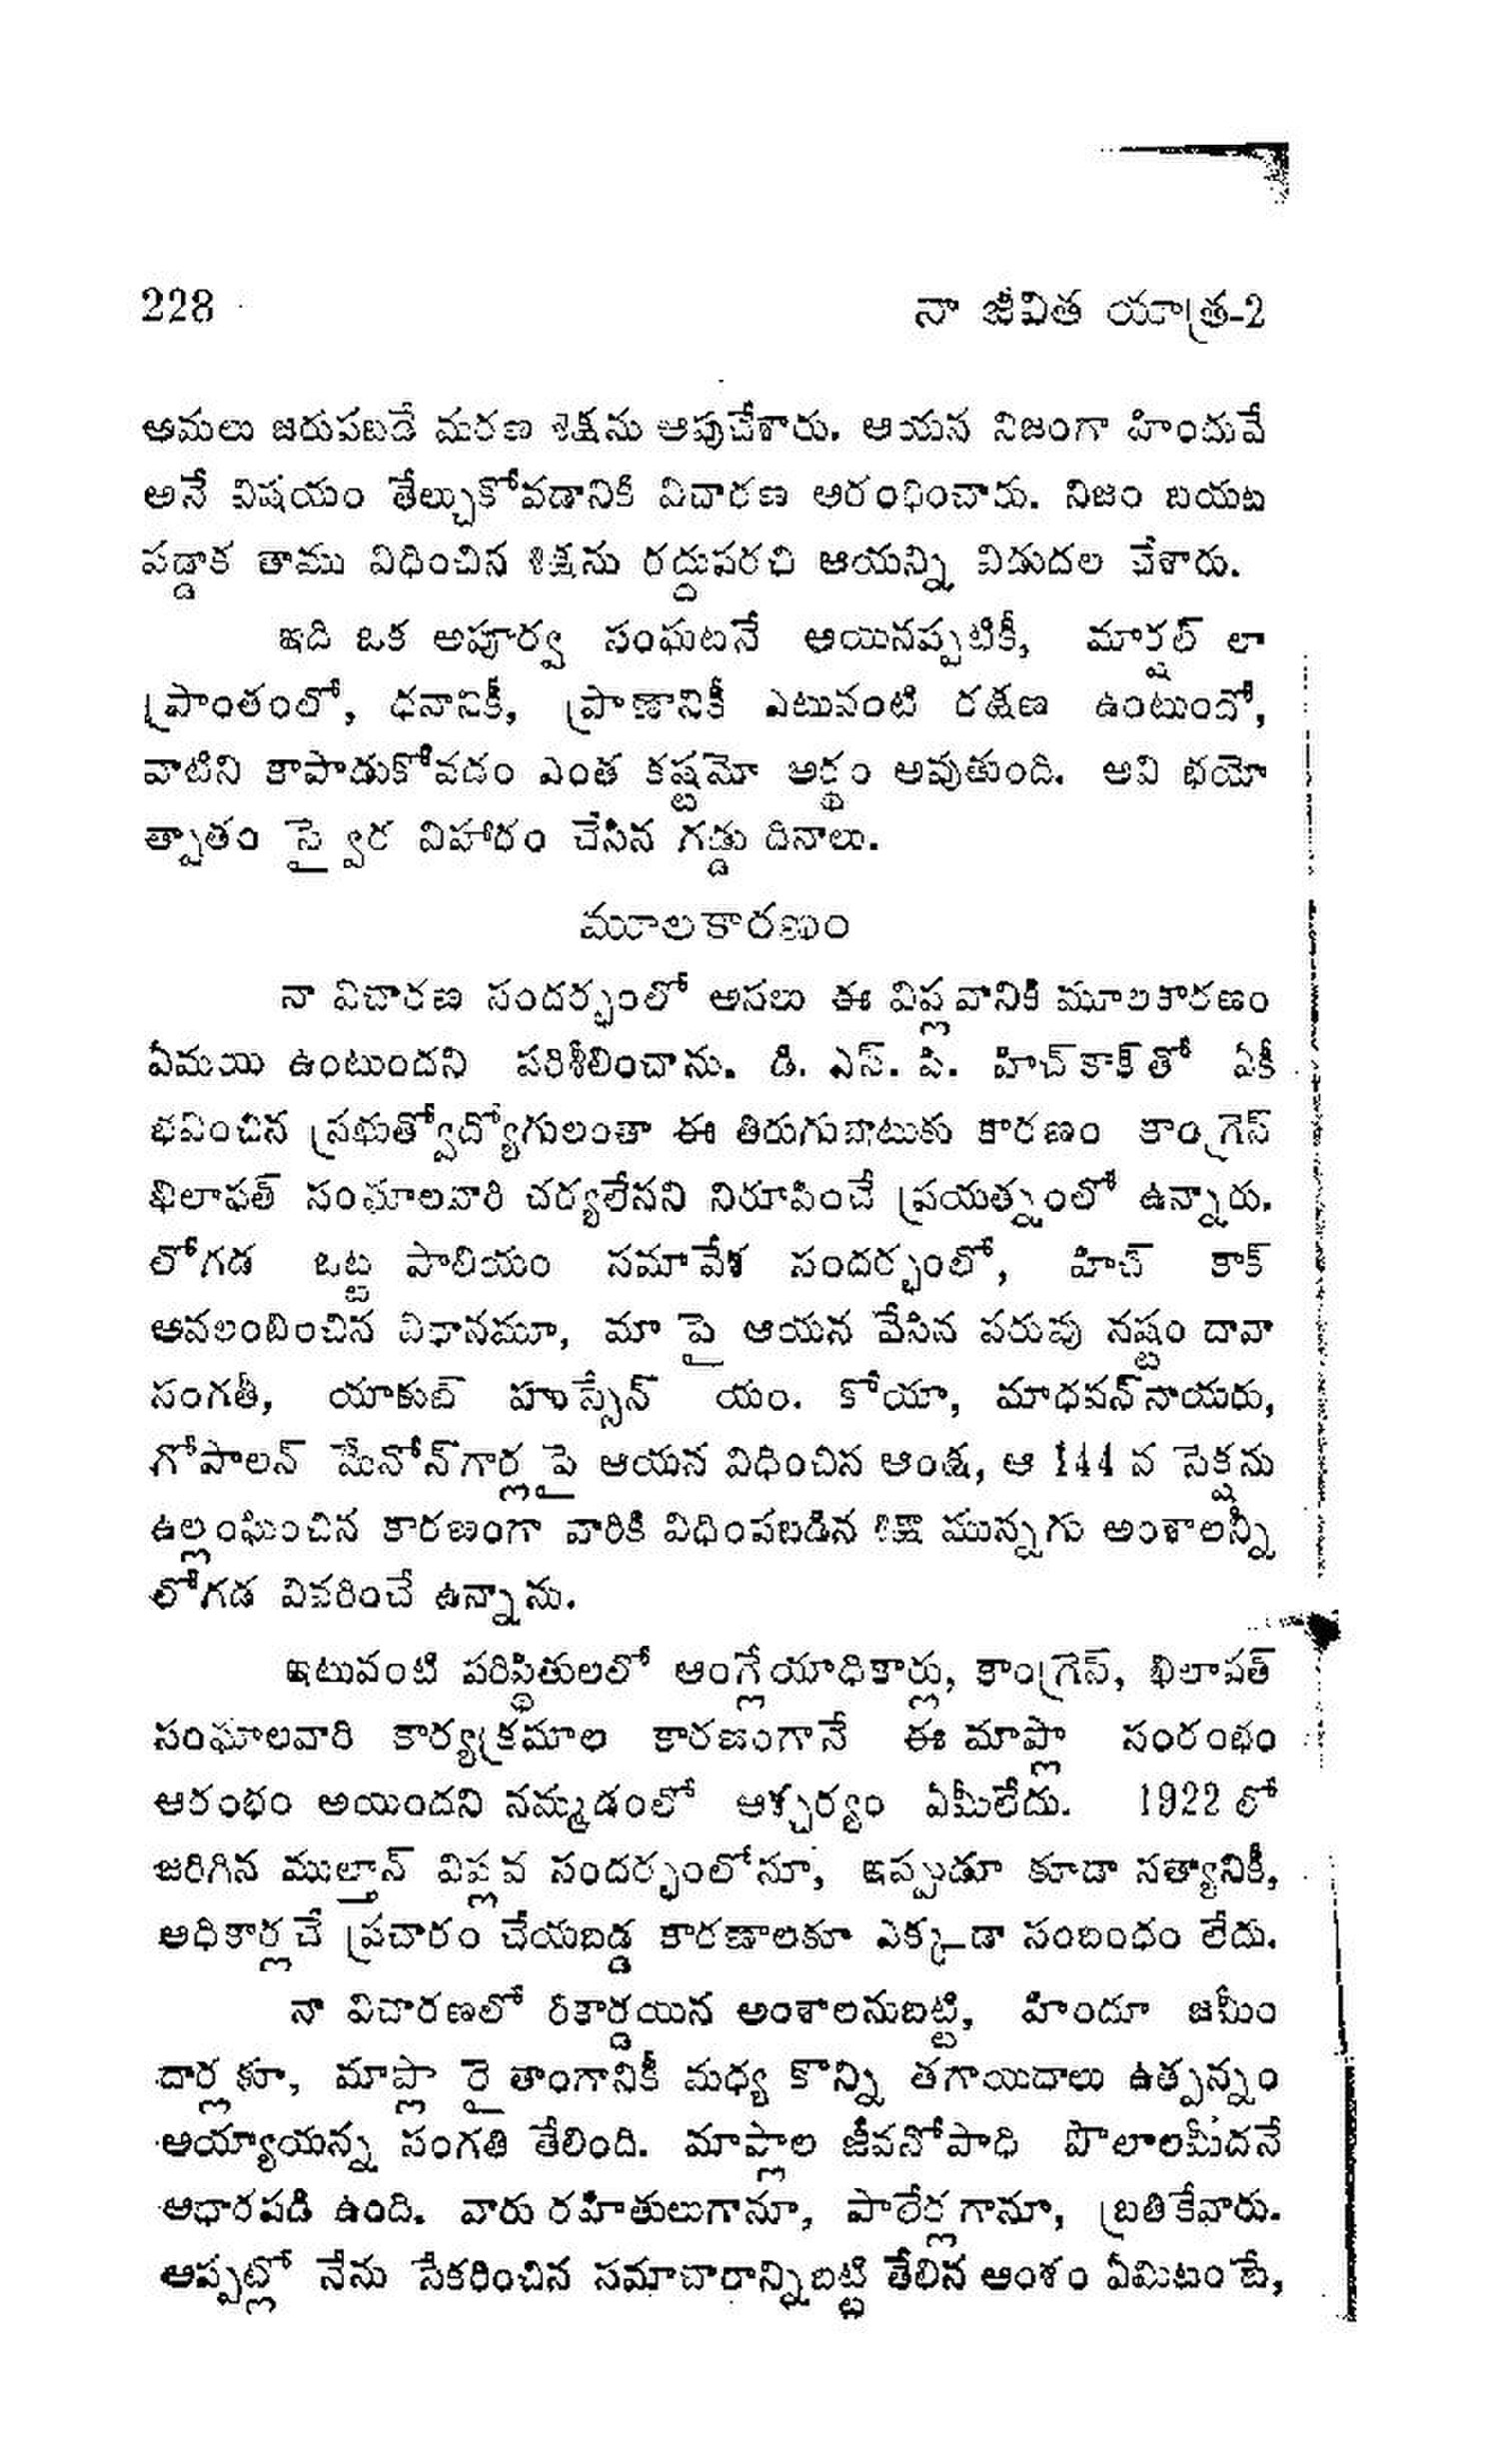అమలు జరుపబడే మరణ శిక్షను ఆపుచేశారు. ఆయన నిజంగా హిందువే అనే విషయం తేల్చుకోవడానికి విచారణ ఆరంభించారు. నిజం బయట పడ్డాక తాము విధించిన శిక్షను రద్దుపరచి ఆయన్ని విడుదల చేశారు.

ఇది ఒక అపూర్వ సంఘటనే అయినప్పటికీ, మార్షల్ లా ప్రాంతంలో , ధనానికి, ప్రాణానికీ ఎటువంటి రక్షణ ఉంటుందో, వాటిని కాపాడుకోవడం ఎంత కష్టమో అర్థం అవుతుంది. అవి భయోత్పాతం స్వైర విహారం చేసిన గడ్డు దినాలు

నా విచారణ సందర్బంలో అసలు ఈ విప్లవానికి మూలకారణం ఏమయి ఉంటుందని పరిశీలించాను. డి.యస్.పి. హిచ్‌కాక్‌తో ఏకీభవించిన ప్రభుత్వోద్యోగులంతా ఈ తిరుగుబాటుకు కారణం కాంగ్రెస్ ఖిలాఫత్ సంఘాలవారి చర్యలేనని నిరూపించే ప్రయత్నంలో ఉన్నారు. లోగడ ఒట్ట పాలియం సమావేశ సందర్భంలో, హిచ్ కాక్ అవలంబించిన విధానమూ, మా పై ఆయన వేసిన పరువు నష్టం దావా సంగతీ, యాకుబ్ హుస్సేన్ యం. కోయా, మాధవన్‌నాయరు, గోపాలన్ మేనోంగార్ల పై ఆయన విధించిన ఆంక్ష, ఆ 144 వ సెక్షను ఉల్లంఘించిన కారణంగా వారికి విధింపబడిన శిక్షా మున్నగు అంశాలన్ని లోగడ వివరించే ఉన్నాను.

ఇటువంటి పరిస్థితులలో ఆంగ్లేయాధికార్లు, కాంగ్రెస్, ఖిలాఫత్ సంఘాలవారి కార్యక్రమాల కారణంగానే ఈ మాప్లా సంరంభం ఆరంభం అయిందని నమ్మడంలో ఆశ్చర్యం ఏమీలేదు. 1922లో జరిగిన ముల్తాన్ విప్లవ సందర్భంలోనూ, ఇప్పుడూ కూడా సత్యానికీ, అధికార్లచే ప్రచారం చేయబడ్డ కారణాలకూ ఎక్కడా సంబంధం లేదు.

నా విచారణలో రికార్డయిన అంశాలనుబట్టి, హిందూ జమీందార్లకూ, మాప్లా రైతాంగానికి మధ్య కొన్ని తగాయిదాలు ఉత్పన్నం అయ్యాయన్న సంగతి తేలింది. మాప్లాల జీవనోపాది పొలాలమీదనే ఆధారపడి ఉంది. వారు రహితులుగానూ, పాలేర్లగానూ, బ్రతికేవారు. అప్పట్లో నేను సేకరించిన సమాచారాన్నిబట్టి తేలిన అంశం ఏమిటంటే,